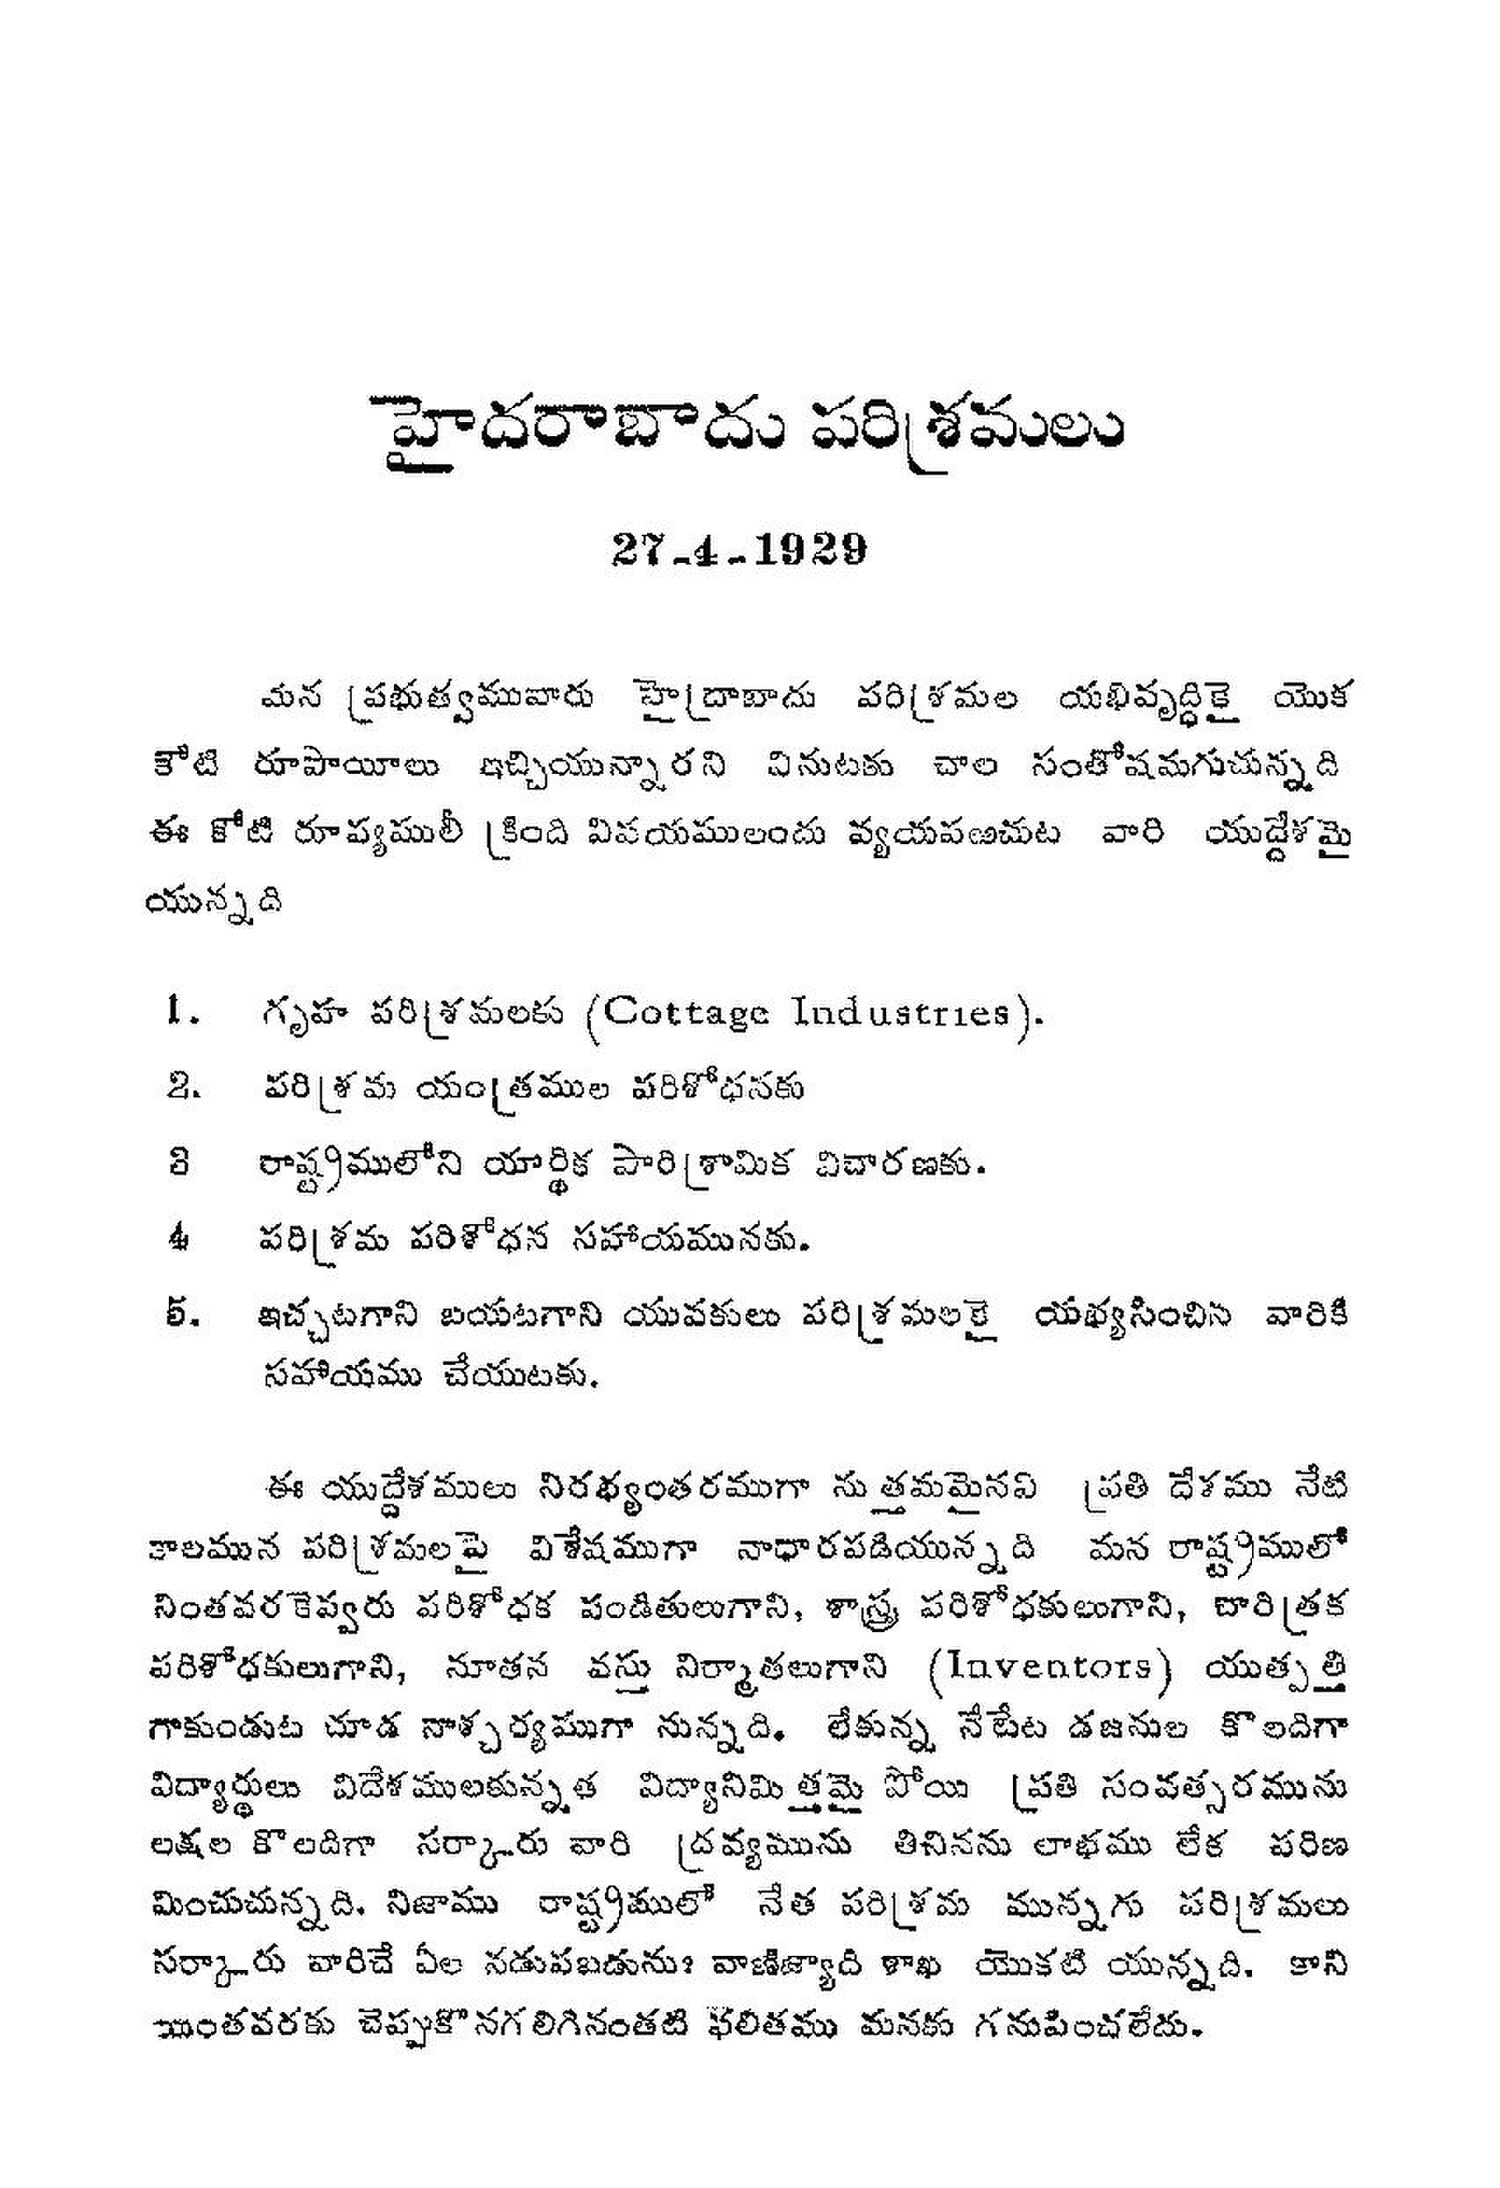హైదరాబాదు పరిశ్రమలు

27 - 4 - 1929

మన ప్రభుత్వమువారు హైద్రాబాదు పరిశ్రమల యభివృద్ధికై యొక కోటి రూపాయీలు ఇచ్చియున్నారని వినుటకు చాల సంతోషమగుచున్నది ఈ కోటి రూప్యములీ క్రింది విషయములందు వ్యయపఱచుట వారి యుద్దేశమై యున్నది

1. గృహ పరిశ్రమలకు (Cottage Industries).

2. పరిశ్రమ యంత్రముల పరిశోధనకు

3. రాష్ట్రములోని యార్థిక పారిశ్రామిక విచారణకు .

4. పరిశ్రమ పరిశోధన సహాయమునకు.

5. ఇచ్చటగాని బయటగాని యువకులు పరిశ్రమలకై యభ్యసించిన వారికి సహాయము చేయుటకు.

ఈ యుద్దేశములు నిరభ్యంతరముగా నుత్తమమైనవి ప్రతి దేశము నేటి కాలమున పరిశ్రమలపై విశేషముగా నాధారపడియున్నది మన రాష్ట్రములో నింతవరకెవ్వరు పరిశోధక పండితులుగాని, శాస్త్ర పరిశోధకులుగాని, చారిత్రక
పరిశోధకులుగాని, నూతన వస్తు నిర్మాతలుగాని (Inventors) యుత్పత్తి గాకుండుట చూడ నాశ్చర్యముగా నున్నది. లేకున్న నేటేట డజనుల కొలదిగా విద్యార్థులు విదేశములకున్నత విద్యానిమిత్తమై పోయి ప్రతి సంవత్సరమును లక్షల కొలదిగా సర్కారు వారి ద్రవ్యమును తినినను లాభము లేక పరిణమించుచున్నది. నిజాము రాష్ట్రములో నేత పరిశ్రమ మున్నగు పరిశ్రమలు సర్కారు వారిచే ఏల నడుపబడును? వాణిజ్యాది శాఖ యొకటి యున్నది. కాని యింతవరకు చెప్పుకొనగలిగినంతటి ఫలితము మనకు గనుపించలేదు.